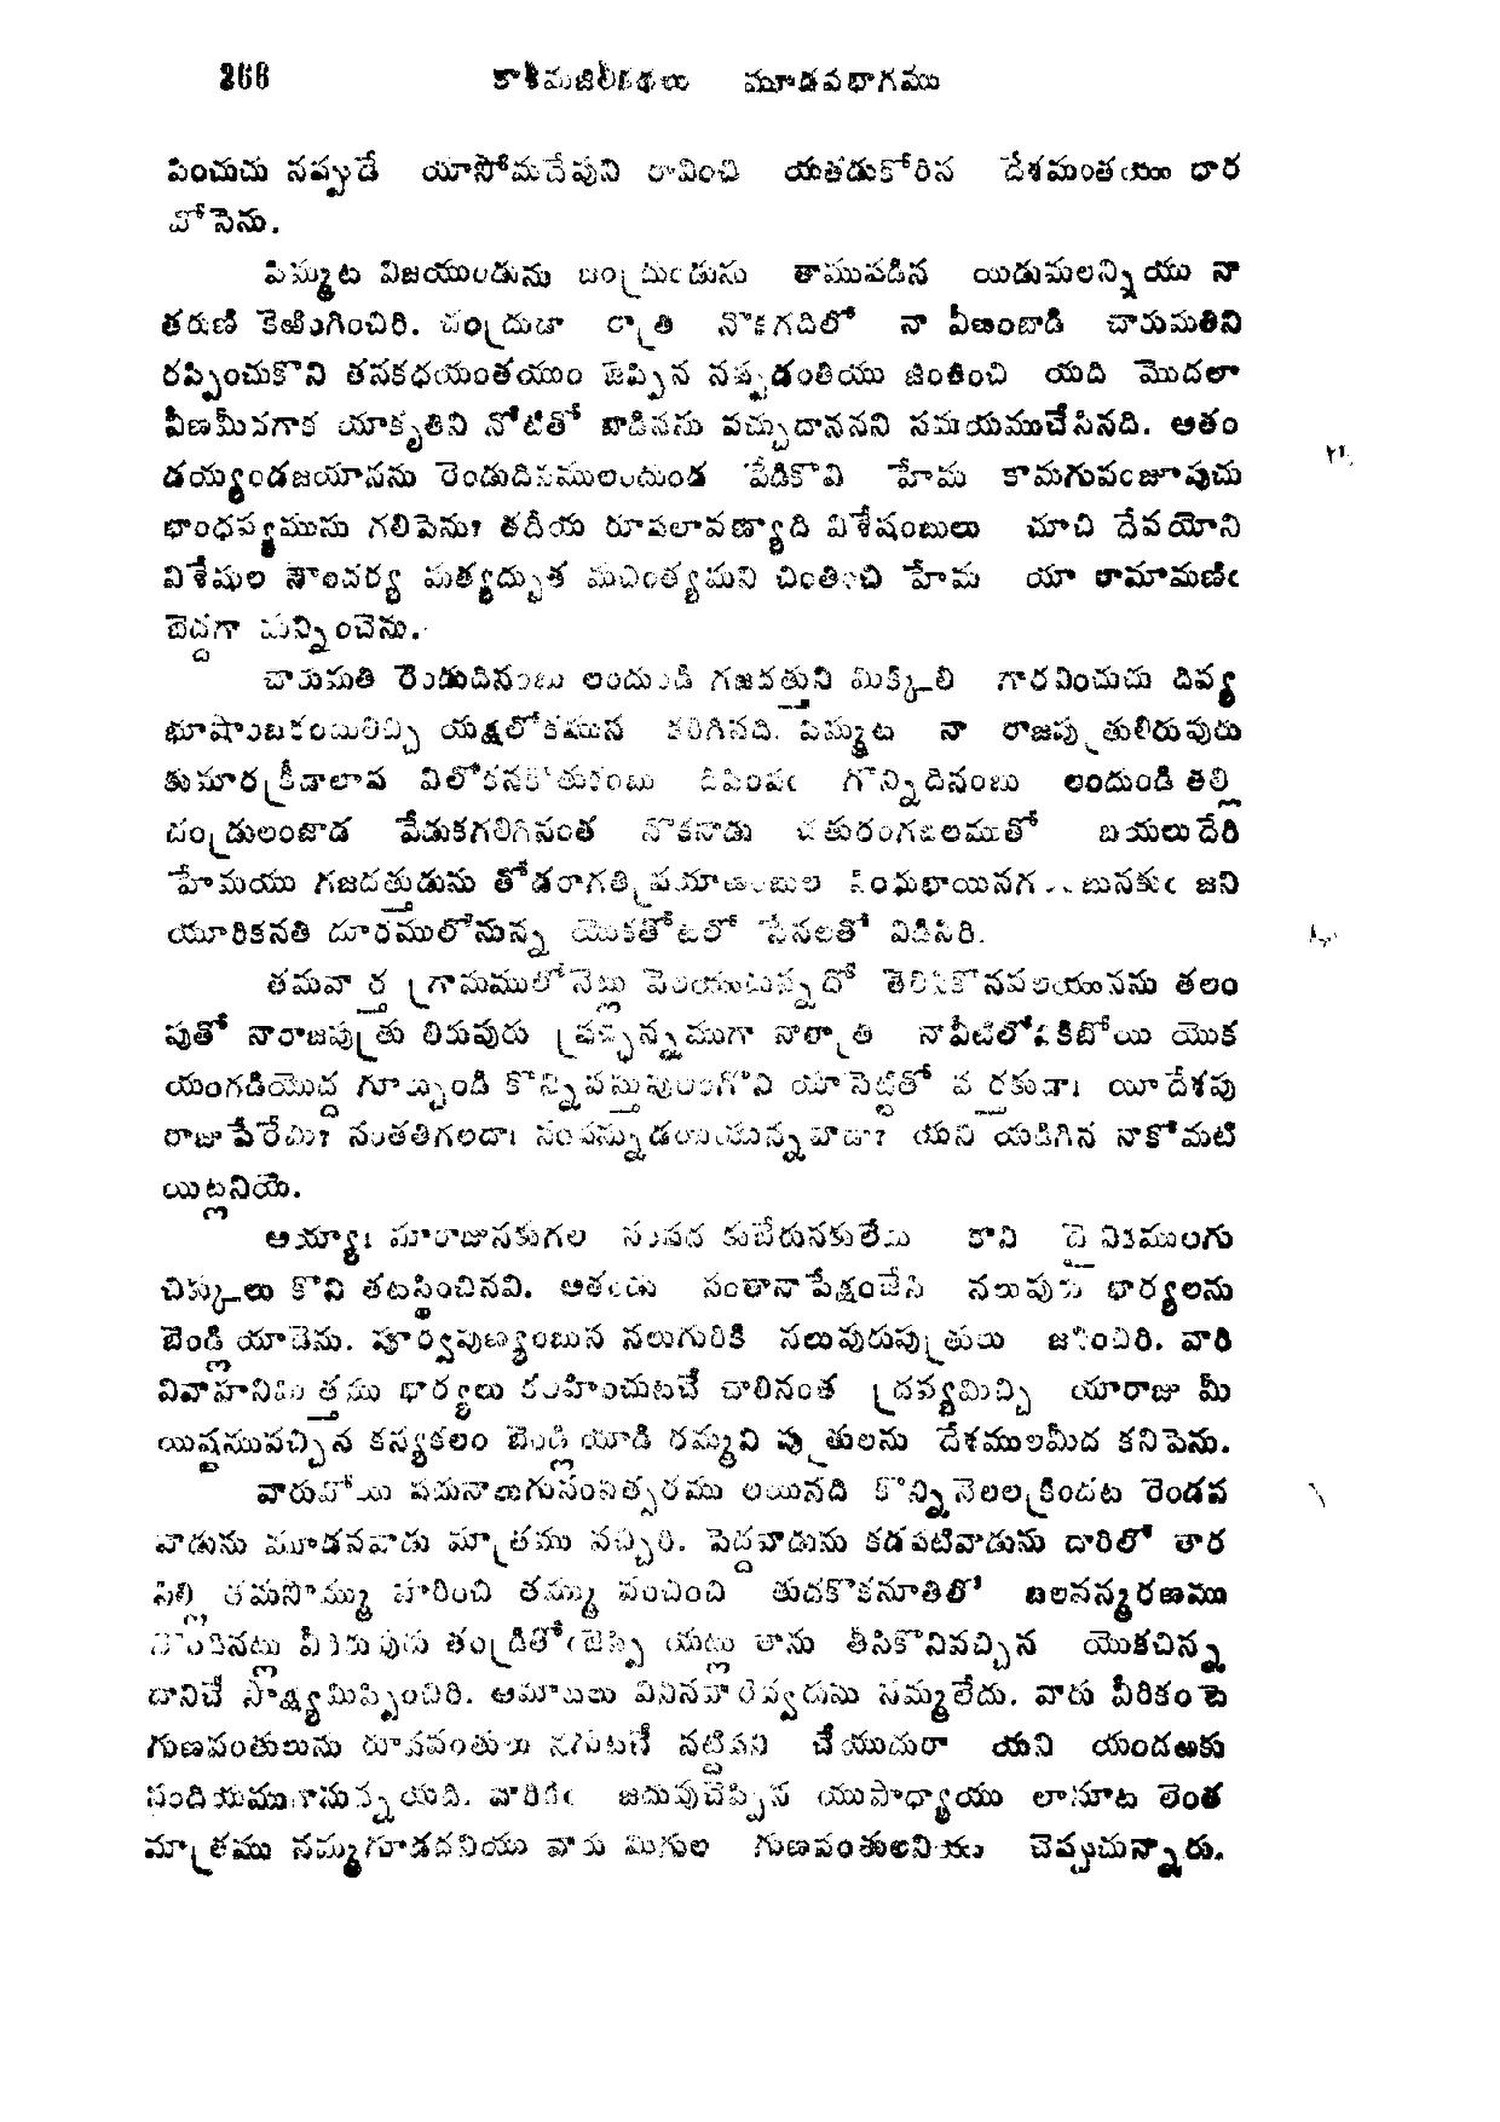పించుచు నప్పుడే యాసోమదేవుని రావించి యతడుకోరిన దేశమంతయు ధారవోసెను.

పిమ్మట విజయుండును చంద్రుండును తాముపడిన యిడుమలన్నియు నా తరుణి కెఱింగించిరి. చంద్రుడా రాత్రి నొకగదిలో నా వీణంబాడి చారుమతిని రప్పించుకొని తనకథయంతయుం జెప్పిన నప్పడంతియు జింతించి యది మొదలా వీణమీదగాక యాకృతిని నోటితో బాడినను వచ్చుదాననని సమయముచేసినది. అతం డయ్యండజయానను రెండుదినములందుండ వేడికొని హేమ కామగువంజూపుచు బాంధవ్యమును గలిపెను. తదీయరూపలావణ్యాదివిశేషంబులు చూచి దేవయోనివిశేషుల సౌందర్య మత్యద్భుత మచింత్యమని చింతించి హేమ యా రామామణిఁ బెద్దగా మన్నించెను.

చారుమతి రెండుదినంబు లందుండి గజదత్తుని మిక్కిలి గారవించుచు దివ్యభూషాంబరంబు లిచ్చి యక్షలోకమున కరిగినది. పిమ్మట నా రాజపుత్రులిరువురు కుమారక్రీడాలాపవిలోకనకౌతురంబు దీపింపఁ గొన్నిదినంబు లందుండి తల్లిదండ్రులం జూడ వేడుకగలిగినంత నొకనాడు చతురంగబలముతో బయలుదేరి హేమయు గజదత్తుడును తోడరా గతిప్రయాణంబుల సింధుభాయినగరంబునకుఁ జని యూరికనతి దూరములోనున్న యొకతోటలో సేనలతో విడిసిరి.

తమవార్త గ్రామములో నెట్లు వెలయుచున్నదో తెలిసికొనవలయునను తలంపుతో నారాజపుత్రు లిరువురు ప్రచ్ఛన్నముగా నారాత్రి నావీటిలోనికిబోయి యొక యంగడియొద్ద గూర్చుండి కొన్నివస్తువులంగొని యాసెట్టితో వర్తకుడా! యీదేశపు రాజుపేరేమి? సంతతిగలదా? సంపన్నుడయి యున్నవాడా? యని యడిగిన నాకోమటి యిట్లనియె.

అయ్యా! మారాజునకుగల సంపద కుబేరునకులేదు కాని దైవికములగు చిక్కులు కొన్ని తటస్థించినవి. అతండు సంతానాపేక్షంజేసి నలువురు భార్యలను బెండ్లి యాడెను. పూర్వపుణ్యంబున నలుగురికి నలువురుపుత్రులు జనించిరి. వారి వివాహనిమిత్తము భార్యలు కలహించుటచే చాలినంత ద్రవ్యమిచ్చి యారాజు మీ యిష్టమువచ్చిన కన్యకలం బెండ్లియాడి రమ్మని పుత్రులను దేశములమీద కనిపెను.

వారువోయి పదునాలుగుసంవత్సరము లయినది. కొన్ని నెలల క్రిందట రెండవవాడును మూడవవాడు మాత్రము వచ్చిరి. పెద్దవాడును కడపటివాడును దారిలో తారసిల్లి తమసొమ్ము హరించి తమ్ము వంచించి తుదకొకనూతిలో బలవన్మరణము నొందినట్లు వీరిరువురు తండ్రితోఁజెప్పి యట్లు తాను తీసికొనివచ్చిన యొకచిన్నదానిచే సాక్ష్యమిప్పించిరి. ఆమాటలు వినినవా రెవ్వరును నమ్మలేదు. వారు వీరికంటె గుణవంతులును రూపవంతులు నగుటచే నట్టిపని చేయుదురా యని యందఱకు
సందియముగానున్న యది. వారికిఁ జదువుచెప్పిన యుపాధ్యాయు లామాట లెంతమాత్రము నమ్మగూడదనియు వారు మిగుల గుణవంతులనియు చెప్పుచున్నారు.